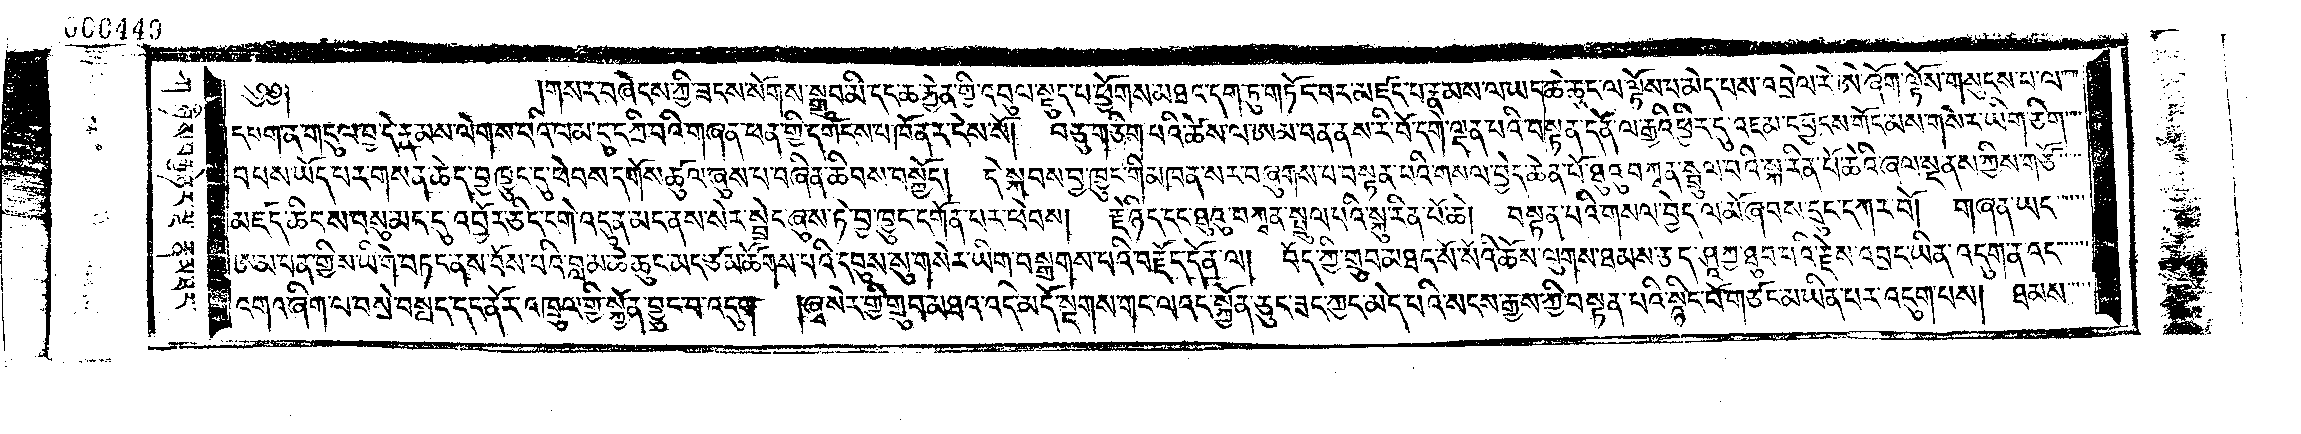༄༅། །གསར་བཞེངས་ཀྱི་ཟངས་སོགས་སྒྲུབ་མི་དང་ཆ་རྐྱེན་གྱི་འབུལ་སྡུད་པ་ཕྱོགས་མཐའ་དག་ཏུ་གཏོང་བར་མཛད་པ་རྣམས་ལ་ཡང་ཆེ་ཆུང་ལ་ལྟོས་པ་མེད་པས་འབྲེལ་རེ་ཨེ་ཞོག་ལྟོས་གསུངས་པ་ལ་
དཔག་ན་གདུལ་བྱ་དེ་རྣམས་ལེགས་པའི་ལམ་དུ་དཀྲི་པའི་གཞན་ཕན་གྱི་དགོངས་པ་ཁོ་ནར་ངེས་སོ། བཅུ་གཅིག་པའི་ཚེས་ལ་ཨམ་བན་ནས་རི་བོ་དགེ་ལྡན་པའི་བསྟན་དོན་ལ་རྒྱའི་ཕྱིར་དུ་འཇམ་དབྱངས་གོང་མས་གསེར་ཡིག་ཅིག་
བབས་ཡོད་པར་གསན་ཆེད་བྱ་ཁྱུང་དུ་ཕེབས་དགོས་ཚུལ་ཞུས་པ་བཞིན་ཆིབས་བསྐྱོད། དེ་སྐབས་བྱ་ཁྱུད་གི་མཁན་སར་བཞུགས་པ་བསྟན་པའི་གསལ་བྱེད་ཆེན་པོ་ཐུའུ་བཀྭན་སྤྲུལ་པའི་སྐུ་རིན་པོ་ཆེའི་ཞལ་སྔ་ནས་ཀྱིས་གཙོ་
མཛད་ཆིབས་བསུ་མང་དུ་འབྱོར་ཅིང་དགེ་འདུན་མང་ནས་སེར་སྦྲེང་ཞུས་ཏེ་བྱ་ཁྱུང་དགོན་པར་ཕེབས། རྗེ་ཉིད་དང་ཐུའུ་བཀྭན་སྤྲུལ་པའི་སྐུ་རིན་པོ་ཆེ། བསྟན་པའི་གསལ་བྱེད་ལ་མོ་ཞབས་དྲུང་དཀར་པོ། གཞན་ཡང་
ཨམ་བན་གྱིས་ཡི་གེ་བཏང་ནས་བོས་པའི་བླ་མ་ཆ་ཆུང་མང་ཙམ་ཚོགས་པའི་དབུས་སུ་གསེར་ཡིག་བསྒྲགས་པའི་བརྗོད་དོན་ལ། བོད་ཀྱི་གྲུབ་མཐའ་སོ་སོའི་ཆོས་ལུགས་ཐམས་ཅད་ཤཱཀྱ་ཐུབ་པའི་རྗེས་འབྲང་ཡིན་འདུག་ནའང་
འགའ་ཞིག་ལ་བསྲེ་བསླད་དང་ནོར་འཁྲུལ་གྱི་སྐྱོན་བྱུང་བ་འདུག །ཞྭ་སེར་གྱི་གྲུབ་མཐའ་འདི་མདོ་སྔགས་གང་ལའང་སྐྱོན་ཅུང་ཟད་ཀྱང་མེད་པའི་སངས་རྒྱས་ཀྱི་བསྟན་པའི་སྙིང་པོ་གཙང་མ་ཡིན་པར་འདུག་པས། ཐམས་